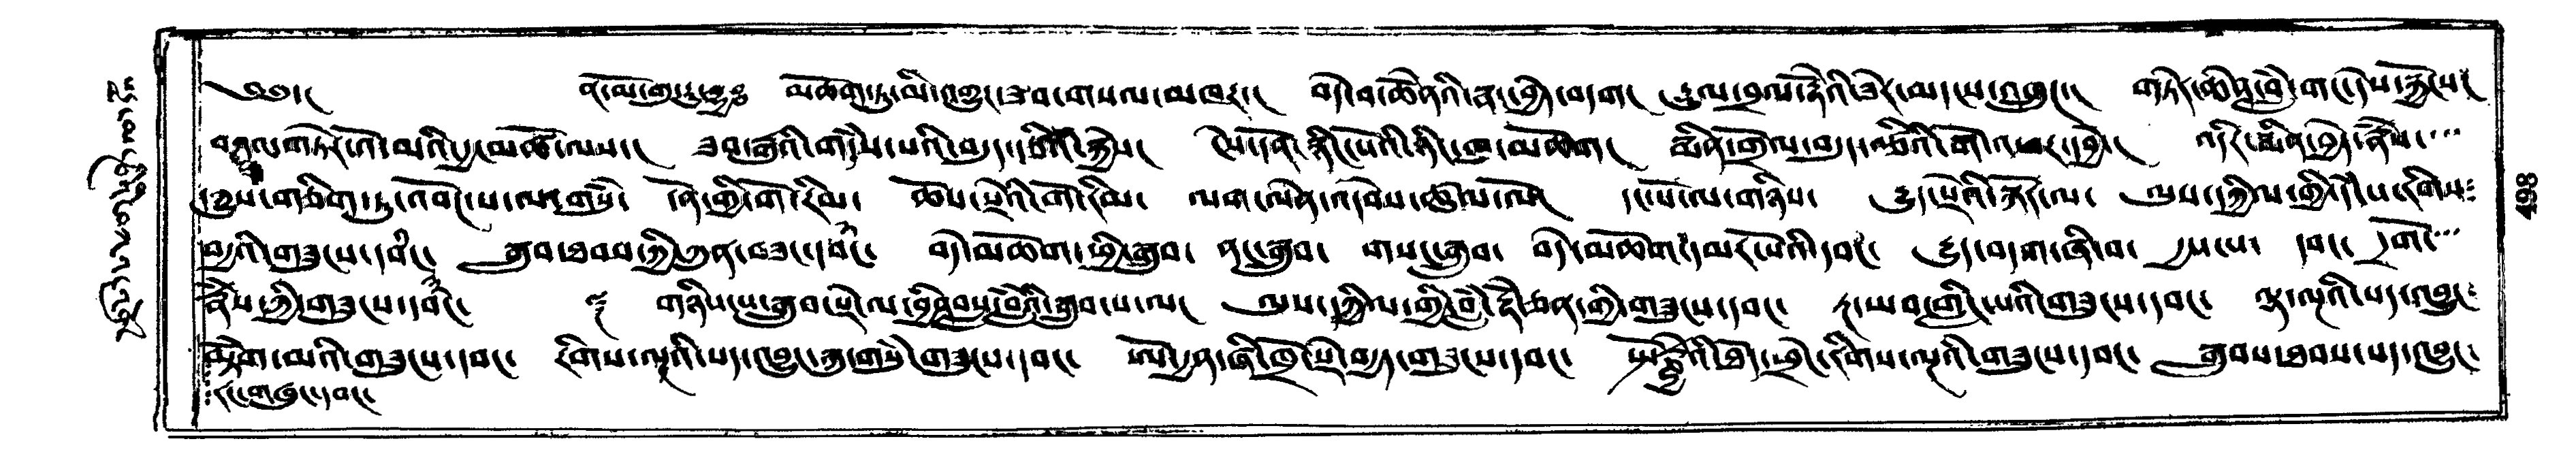ན་མོ་གུ་རུ་བྷྱཿ མཆོག་ཏུ་མི་འགྱུར་ཟབ་གསལ་མཁར། །བདེ་བ་ཆེན་པོའི་སྣང་བྱེད་བདག །རྡུལ་བྲལ་རྡོ་རྗེའི་ཟེར་མདངས་འཁྲུགས། །གཏེར་ཆེན་བླ་མ་གང་དེས་སྐྱོངས། 
བཀའ་གཏེར་འོ་མའི་རྒྱ་མཚོ་ལས། །ཟབ་རྒུའི་གདམས་པའི་བདུད་རྩིའི་སྐྱེས། །ངེས་དོན་སྙིང་པོའི་ཉིང་ཁུ་མཆོག སྨིན་གྲོལ་གུད་རྩིའི་སྒོ་འཕར་དབྱེ། འདིར་སྨིན་བྱེད་རྣམས་
དཀྱུས་གཅིག་ཏུ་འབོགས་པ་ལ་གསུམ། དོན་གྱི་གོ་རིམ། ཆོས་སྡེའི་གོ་རིམ། ལག་ལེན་འདེབས་ཚུལ་ལོ། །དད་པོ་ལ་གཉིས། རྒྱུད་སྡེའི་སྐོར་ལ། །ལུས་དཀྱིལ་གྱི་དམ་པ་རིགས་
བརྒྱའི་གཟུངས་དབང་། སྒྲུབ་ཐབས་ཀྱི་ཀུན་བཟང་དབང་། བདེ་མཆོག་ཕྱི་སྒྲུབ། ནང་སྒྲུབ། གསང་སྒྲུབ། བདེ་མཆོག་དམར་པོའི་དབང་། རྒྱུད་བདག་ཞི་བ། རྒྱས་པ། དབང་། དྲག་པོ་
རྣམས་ཀྱི་གཟུངས་དབང་། ༈ གཉིས་པ་སྒྲུབ་སྡེ་ལ་བྱིན་རླབས་བླ་མའི་སྒྲུབ་པ་ལ། ལུས་དཀྱིལ་གྱི་བླ་མ་རྡོ་རྗེ་ཅན་གྱི་གཟུངས་དབང་། རྔ་ཡབ་གླིང་པའི་གཟུངས་དབང་། ལྷ་ལྔའི་པད་འབྱུང་
མེ་ཏོག་མའི་གཟུངས་དབང་།རིགས་ལྔའི་པད་འབྱུང་སྐུ་གསུམ་གཟུངས་དབང་། །ཨོ་རྒྱན་ཞི་ཁྲོ་སྡེ་བརྒྱད་གཟུངས་དབང་། །པོརྞཻཡའི་(?)ཐོད་ཕྲེང་རིགས་ལྔའི་གཟུངས་དབང་། སྒྲུབ་ཐབས་པད་འབྱུང་